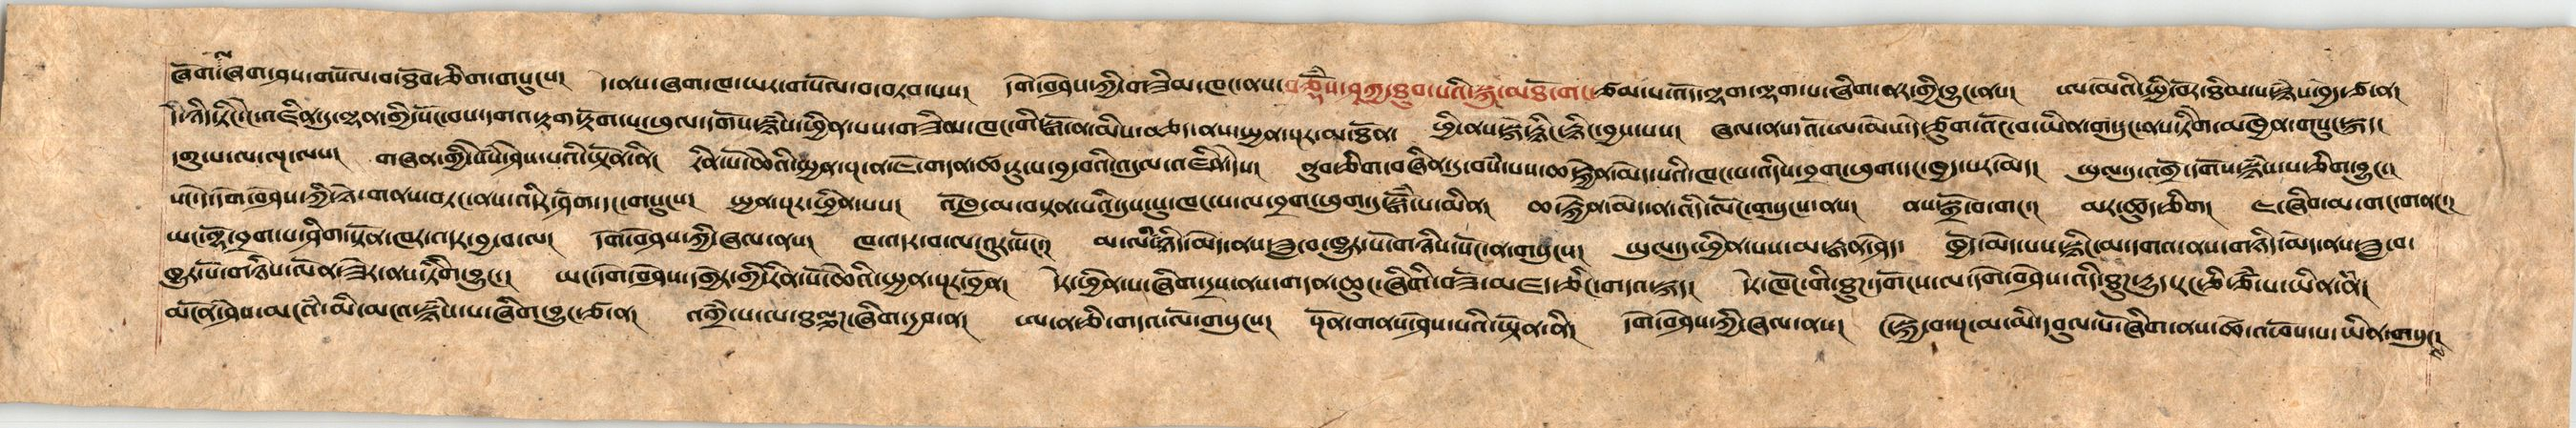ཞོག་ལ་ཞག་ཤས་གསོལ་བ་ཐོབ་ཅིག་གསུངས། དེ་ནས་ཞག་ཁ་ཡར་གསོལ་བ་བཏབ་པས། དགེ་བཤེས་ཀྱི་གཟིམས་ཁང་ནས་བཅྡོཾས་ཤཱཀྱ་ཐུབ་པའི་སྐུ་མཐོ་གང་ཙམ་པ་འོད་ལྷག་ལྷག་པ་ཞིག་ནར་གྱི་བྱུང་ནས། ཨ་མའི་སྤྱི་བོར་ཐིམ་པ་སྙཾས་བྱེད་ཙ་ན།
དེ་ཉིད་ཏིང་ངེ་འཛིན་དུ་ལྷན་གྱི་སོང་བས་དགའ་རྟག་རྟོག་པ་ཕུལ་དགོས་སྙཾས་ཕྱིན་པས་གཟིམ་ཁང་གི་སྒོ་ན་མིས་བཅད་ནས་སྤྱན་སྔར་མ་ཐོན། ཕྱི་ནས་སྐེ་རྙིང་རྙིང་བྱས་པས། ཞལ་ནས་འོ་ཨ་མེས་དེ་ཙུག་འོང་བ་ཡིན་གསུང་ནས་ཏིགེ་མཁྱེན་གསུང་སྐད།
དགུ་པ་ལ་ལྔ་ལས། གཞན་གྱི་སེཾས་ཤེས་པའི་ཡྟོན་ནི། རིན་པོ་ཆེའི་སྤྱན་སྔ་ན་ཇོ་གདན་ཚ་རུ་པ་བྱ་བའི་འདུལ་འཛིན་དེས། ནུབ་ཅིག་བཞིན་དུ་བསཾ་པས་ཆ་རྐྱེན་མེད་པའི་ཁང་པ་འདིས་བྲག་ཕུག་དང་ཁྱད་པར་མེད། ཡུལ་དུ་འགྲོ་དགོས་སྙཾས་པ་ཅིག་བྱུང་།།
སང་དེ་དགེ་བཤེས་ཀྱི་ཉེ་གནས་བཏང་ནས་འདིར་ཤོག་དང་གསུངས་། སྤྱན་སྔར་ཕྱིན་པས། འོ་བླ་མ་བསྟན་པའི་དུས་སུ་ཁང་པ་ལ་བྲག་ཕུག་དུ་སྒོཾ་པ་མིན། ཆ་རྐྱེན་མེད་ན་འདི་ལོང་གསུངས་ནས། ནས་སྒྲོ་བ་གང་། མར་ཚུད་ཅིག། ཇ་ཞིབ་མ་གང་གནང་།
ཡང་ལྷོ་བྲག་པ་ཤིག་སྟོན་ཁར་འདར་བྱ་བ་ལ། དགེ་བཤེས་ཀྱི་ཞལ་ནས། ཁ་འདར་བ་ལ་འུར་སོང་། མ་ལ་གཉིད་མེད་ནས་ཟླ་བ་ཁྱུར་པོ་གཉིས་སོང་ན་གསུངས། ཡུལ་དུ་ཕྱིན་པས་མ་རྒན་ཤེད། ཁྱོད་མེད་པས་སྙིང་མ་དགའ་ནས་གཉིད་མེད་ནས་ཟླ་བ་
ཁྱུར་པོ་གཉིས་ལོན་ཟེར་ནས་ཏིགི་བྱུང་། ཡང་དགེ་བཤེས་དགྱེར་གྱི་རིན་པོ་ཆེའི་སྤྱན་སྔར་བྱོན། དེར་ཕྱིན་པ་ཞིག་དྲས་ནས་གདན་ཆུང་ཞིགི་བཟོ་མཛད་ཅིང་གདའ་སྐད། དེར་ཁོང་གི་ཐུཌ་དགོངས་ལ་དགེ་བཤེས་འདི་ཐུཌ་དྱུད་རང་ཅི་ཙཾ་པ་ཡིན་ནཾ།
མངོན་ཤེས་མངའཾ་མི་མངའ་སྙཾས་པ་ཞིག་བྱུང་ཙ་ན། འགྲཾ་པ་ལ་ཐལྕགཌ་ཞིག་དྱབ་ན། ཨ་ན་ཅི་གདའ་ལོ་གསུངས། སྔོན་གནས་ཤེས་པའི་ཡྟོན་ནི། དགེ་བཤེས་ཀྱི་ཞལ་ནས། ང་སྐྱེ་བ་སྔ་མ་མི་དབུལ་པོ་ཞིག་ནས་ཚེ་འཕོས་པ་ཡིན་གསུངས།